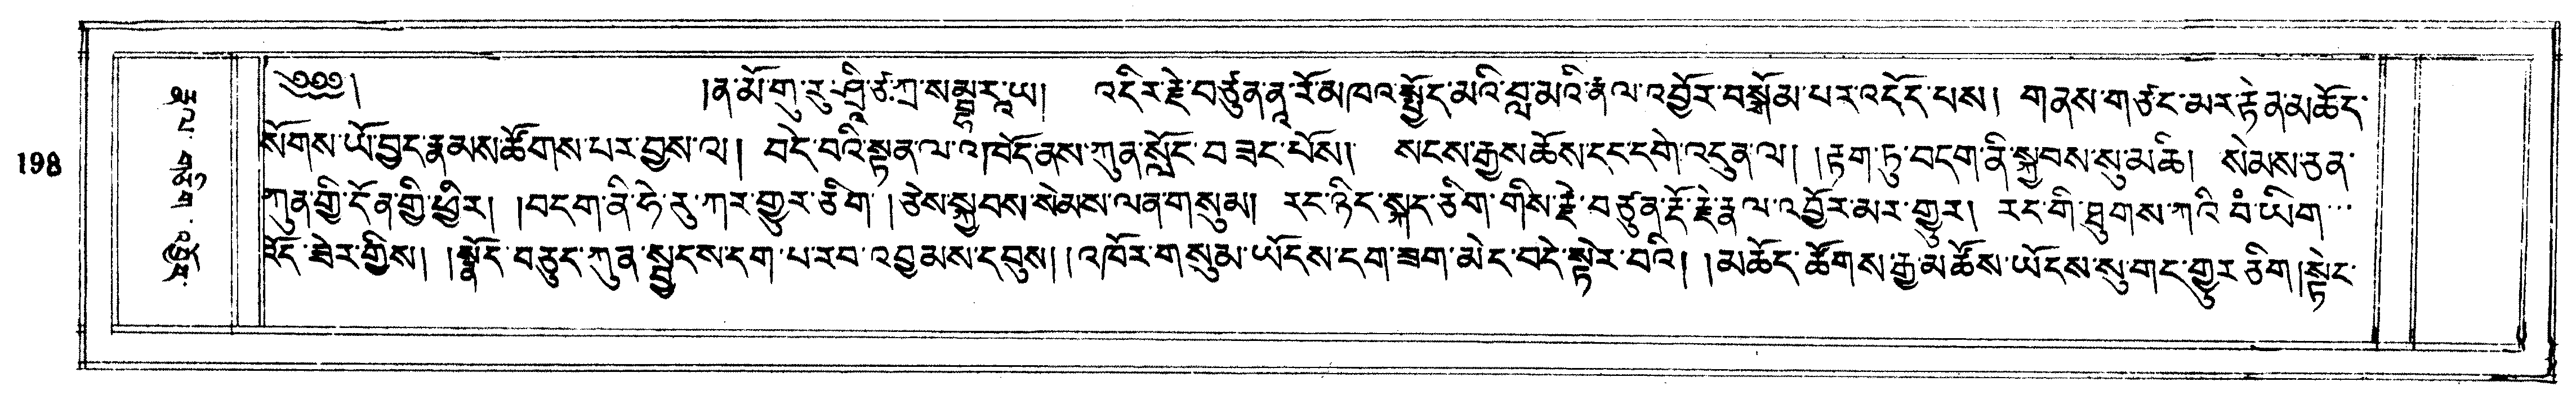༄༅། །ན་མོ་གུ་རུ་ཤྲཱི་ཙ་ཀྲ་སམྦྷ་རཱ་ཡ། འདིར་རྗེ་བཙུན་ནཱ་རོ་མཁའ་སྤྱོད་མའི་བླ་མའི་རྣལ་འབྱོར་བསྒོམ་པར་འདོད་པས། གནས་གཙང་མར་རྟེན་མཆོད་
སོགས་ཡོ་བྱད་རྣམས་ཚོགས་པར་བྱས་ལ། བདེ་བའི་སྟན་ལ་འཁོད་ནས་ཀུན་སློང་བཟང་པོས། སངས་རྒྱས་ཆོས་དང་དགེ་འདུན་ལ། །རྟག་ཏུ་བདག་ནི་སྐྱབས་སུ་མཆི། །སེམས་ཅན་
ཀུན་གྱི་དོན་གྱི་ཕྱིར། །བདག་ནི་ཧེ་རུ་ཀར་གྱུར་ཅིག །ཅེས་སྐྱབས་སེམས་ལན་གསུམ། རང་ཉིད་སྐད་ཅིག་གིས་རྗེ་བཙུན་རྡོ་རྗེ་རྣལ་འབྱོར་མར་གྱུར། རང་གི་ཐུགས་ཀའི་བཾ་ཡིག་
འོད་ཟེར་གྱིས། །སྣོད་བཅུད་ཀུན་སྦྱངས་དག་པ་རབ་འབྱམས་དབུས། །འཁོར་གསུམ་ཡོངས་དག་ཟག་མེད་བདེ་སྟེར་བའི། །མཆོད་ཚོགས་རྒྱ་མཚོས་ཡོངས་སུ་གང་གྱུར་ཅིག །སྟེར་